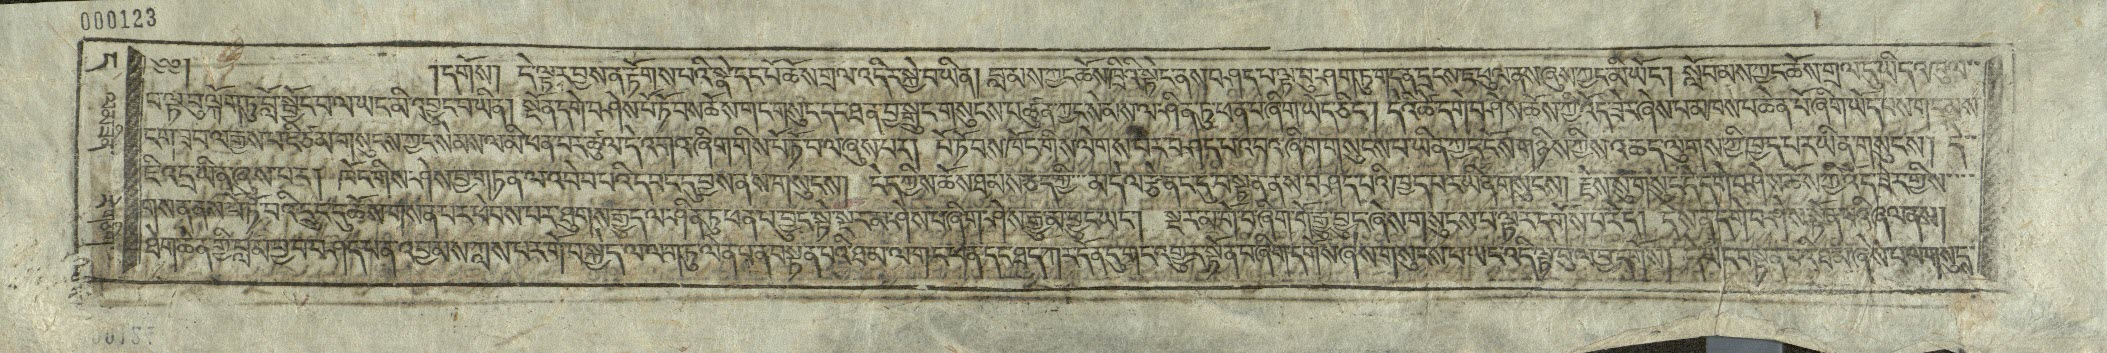༄༅། །དགོས། དེ་ལྟར་བྱས་ན་རྟོགས་པའི་སྣེ་དང་པོ་ཆོས་གྲལ་འདིར་སྐྱེ་བ་ཡིན། བླ་མས་ཀྱང་ཆོས་ཁྲིའི་སྟེང་ནས་བཤད་པ་ལྟ་བུ་ཤག་ཏུ་གདན་དྲངས་ཇ་ཕུལ་ནས་ཞུས་ཀྱང་མི་ཡོང་། སློབ་མས་ཀྱང་ཆོས་གྲལ་དུ་ཡིད་འཁུལ་
བ་ལྟ་བུ་ལྐོག་ཏུ་བློ་སྦྱོང་བ་ལ་ཡང་མི་འབྱུང་བ་ཡིན། སྔོན་དགེ་བཤེས་པོ་ཏོ་བས་ཆོས་གང་གསུང་དང་ཐ་ན་བྱ་སྒྲུང་གསུངས་པ་ཚུན་ཀྱང་སེམས་ལ་ཤིན་ཏུ་ཕན་པ་ཞིག་ཡོད་ཅིང་། དེའི་ཚེ་དགེ་བཤེས་ཆོས་ཀྱི་འོད་ཟེར་ཞེས་པ་མཁས་པ་ཆེན་པོ་ཞིག་ཡོད་པས་གདམས་
ངག་ཟབ་ལ་རྒྱས་པ་ཇི་ཙམ་གསུངས་ཀྱང་སེམས་ལ་མི་ཕན་པར་ཚུལ་དེ་འགའ་ཞིག་གིས་པོ་ཏོ་བ་ལ་ཞུས་པར། པོ་ཏོ་བས་ཁོང་གིས་ལེགས་པར་བཤད་པ་འབའ་ཞིག་གསུངས་པ་ཡིན་ཀྱང་ངོས་གཉིས་ཀྱིས་འཆད་ལུགས་ཀྱི་ཁྱད་པར་ཡིན་གསུངས། དེ་
ཇི་འདྲ་ཡིན་ཞུས་པར། ཁོང་གིས་ཤེས་བྱ་གཏན་ལ་འབེབ་པའི་དབང་དུ་བྱས་ནས་གསུངས། ངེད་ཀྱིས་ཆོས་ཐམས་ཅད་ཀྱི་མདེལ་རྩེ་ནང་དུ་བསྟན་ནས་བཤད་པའི་ཁྱད་པར་ཡིན་གསུངས། རྗེས་སུ་གསུང་དེ་དགེ་བཤེས་ཆོས་ཀྱི་འོད་ཟེར་གྱིས་
གསན་ནས་པོ་ཏོ་བའི་དྲུང་དུ་ཆོས་གསན་པར་ཕེབས་པར་ཐུགས་རྒྱུད་ལ་ཤིན་ཏུ་ཕན་པ་བྱུང་སྟེ་སྔར་མ་ཤེས་པ་ཞིག་ཤེས་རྒྱུ་མ་བྱུང་ཡང་། སྔར་མ་གོ་བ་ཞིག་གོ་རྒྱུ་བྱུང་ཞེས་གསུངས་པ་ལྟར་དགོས་པ་རེད། དེས་ན་དགེ་བཤེས་སྟོན་པའི་ཞལ་ནས།
ཐེག་ཆེན་གྱི་བླ་མ་བྱ་བ་བཤད་པ་ན་འབྱམས་ཀླས་པར་གོ་བ་སྐྱེད་ལ་ལག་ཏུ་ལེན་པ་ན་བསྟན་པའི་ཐ་མ་ལ་གང་ཕན་དང་ཐད་ཀར་དོན་དུ་གང་འགྱུར་སྟོན་པ་ཞིག་དགོས་ཞེས་གསུངས་པ་ཡང་འདི་ལྟ་བུ་ལ་བྱ་དགོས། དེ་ཡང་བསྟན་པའི་ཐ་མ་ཞེས་པ་ལ་གསུངས་